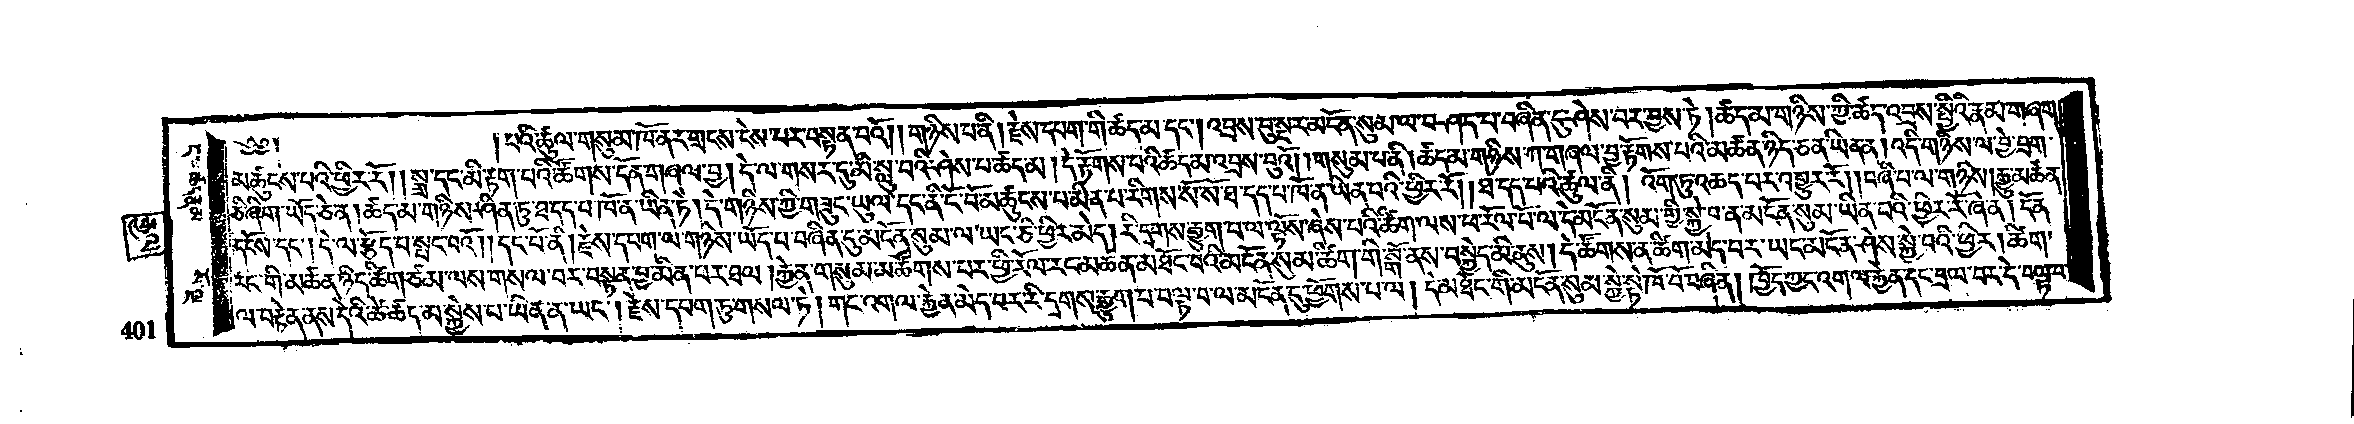༄༅། །པའི་ཚུལ་གསུམ་ཁོ་ནར་གྲངས་ངེས་པར་བསྟན་པའོ། །གཉིས་པ་ནི། རྗེས་དཔག་གི་ཚད་མ་དང་། འབྲས་བུ་སྔར་མངོན་སུམ་ལ་བཤད་པ་བཞིན་དུ་ཤེས་པར་བྱས་ཏེ། ཚད་མ་གཉིས་ཀྱི་ཚད་འབྲས་སྤྱིའི་རྣམ་གཞག་
མཚུངས་པའི་ཕྱིར་རོ། །སྒྲ་དང་མི་རྟག་པའི་ཚོགས་དོན་གཞལ་བྱ། དེ་ལ་གསར་དུ་མི་སླུ་བའི་ཤེས་པ་ཚད་མ། དེ་རྟོགས་པའི་ཚད་མ་འབྲས་བུའོ། །གསུམ་པ་ནི། ཚད་མ་གཉིས་ཀ་གཞལ་བྱ་རྟོགས་པའི་མཚན་ཉིད་ཅན་ཡིན་ན། འདི་གཉིས་ལ་བྱེ་བྲག་
ཅི་ཞིག་ཡོད་ཅེ་ན། ཚད་མ་གཉིས་ཤིན་ཏུ་ཐ་དད་པ་ཁོ་ན་ཡིན་ཏེ། དེ་གཉིས་ཀྱི་གཟུང་ཡུལ་དང་ནི་ངོ་བོ་མཚུངས་པ་མིན་པ་རིགས་སོ་སོ་ཐ་དད་པ་ཁོ་ན་ཡིན་པའི་ཕྱིར་རོ། །ཐ་དད་པའི་ཚུལ་ནི། འོག་ཏུ་འཆད་པར་འགྱུར་རོ། །བཞི་པ་ལ་གཉིས། རྒྱུ་མཚན་
དངོས་དང་། དེ་ལ་རྩོད་པ་སྤང་བའོ། །དང་པོ་ནི། རྗེས་དཔག་ལ་གཉིས་ཡོད་པ་བཞིན་དུ་མངོན་སུམ་ལ་ཡང་ཅི་ཕྱིར་མེད། རི་དVཨགས་རྒྱུག་པ་ལ་ལྟོས་ཞེས་པའི་ཚིག་ལས་ཕ་རོལ་པོ་ལ་དེ་མངོན་སུམ་གྱི་སྐྱེ་བ་ན་མངོན་སུམ་ཡིན་པའི་ཕྱིར་རོ་ཞེ་ན། དོན་
རང་གི་མཚན་ཉིད་ཚིག་ཙམ་ལས་གསལ་བར་བསྟན་བྱ་མིན་པར་ཐལ། རྐྱེན་གསུམ་མ་ཚོགས་པར་ཕྱི་རོལ་རང་མཚན་མཐོང་བའི་མངོན་སུམ་ཚིག་གི་སྒོ་ནས་བསྐྱེད་མི་ནུས། དེ་ཚོགས་ན་ཚིག་མེད་པར་ཡང་མངོན་ཤེས་སྐྱེ་བའི་ཕྱིར། ཚིག་
ལ་བརྟེན་ནས་དེའི་ཚེ་ཚད་མ་སྐྱེས་པ་ཡིན་ན་ཡང་། རྗེས་དཔག་ཏུ་གསལ་ཏེ། གང་འགལ་རྐྱེན་མེད་པར་རི་དVཨགས་རྒྱུག་པ་བལྟར་བ་ལ་མངོན་དུ་ཕྱོགས་པ་ལ། དེ་མཐོང་གི་མངོན་སུམ་སྐྱེ་སྟེ་ཁོ་བོ་བཞིན། ཁྱོད་ཀྱང་འགལ་རྐྱེན་དང་བྲལ་བར་དེ་བལྟ་བ་